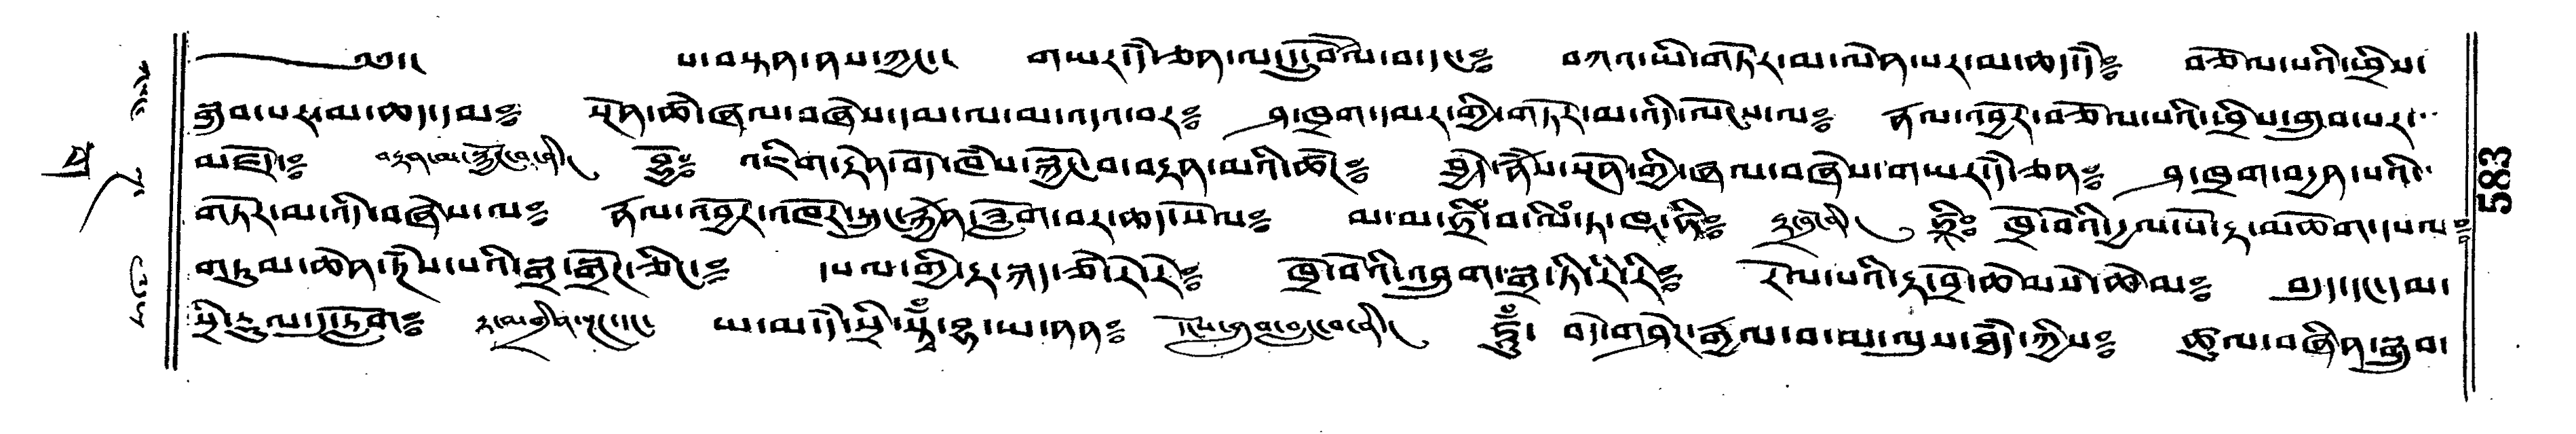པ་བསྟན་ནས་ཀྱང༔ གཡར་དམ་ཅན་ལ་དངོས་གྲུབ་སྩོལ་བ་དང༔ བཀའ་ཡི་གཏོར་མ་ལེན་པར་མ་ཆད་དམ༔ བཅོལ་པའི་ཕྲིན་ལས་
སྒྲུབ་པར་མ་ཆད་དམ༔ སྔོན་ཚེ་ཞལ་བཞེས་དམ་ལ་མ་འདའ་བར༔ ཤ་ཁྲག་དམར་གྱི་གཏོར་མ་འདི་ལོངས་ལ༔ རྣལ་འབྱོར་བཅོལ་པའི་ཕྲིན་ལས་འགྲུབ་པར་
མཛོད༔ བརྟན་མ་སྐྱོང་བ་ནི། བྷྱོ༔ འཇིག་རྟེན་བོད་ཁམས་སྐྱོང་བ་བརྟན་མའི་ཚོགས༔ ཁྱེད་རྣམས་སྔོན་གྱི་ཞལ་བཞེས་གཡར་དམ་ཅན༔ ཤ་ཁྲག་བརྒྱན་པའི་
གཏོར་མ་འདི་བཞེས་ལ༔ རྣལ་འབྱོར་འཁོར་སྲུང་རྐྱེན་ཟློག་བར་ཆད་སོལ༔ མ་མ་ཧྲིཾ་ཧྲིཾ་བ་ལིཾ་ཏ་ཁཱ་ཧི༔ རྟ་བྲོ་ནི། ཧྲཱི༔ ཁྲོ་བོའི་རྒྱལ་པོ་རྟ་མཆོག་དཔལ༔ 
གཏུམ་ཆེན་རྔམས་པའི་སྒྲ་སྒྲོག་ཅིང༔ དཔལ་གྱི་རྟ་སྐད་ཙེ་རེ་རེ༔ ཁྲོ་བོའི་འབྲུག་ཧཱུྃ་སྒྲ་ཏི་རི་རི༔ རོལ་པའི་རྟ་བྲོ་ཆེམས་སེ་ཆེམ༔ བདུད་དང་དམ་
སྲི་རྡུལ་དུ་རློག༔ རྟ་མགྲིན་སྔགས་དང་། ཡ་མ་དམ་སྲི་སྟྭྃ་བྷ་ཡ་ནན༔ དངོས་གྲུབ་བླང་བ་ནི། བདེ་གཤེགས་རྒྱལ་བ་མ་ལུས་ཐམས་ཅད་ཀྱིས༔ ཚུལ་བཞིན་སྒྲུབ་༼